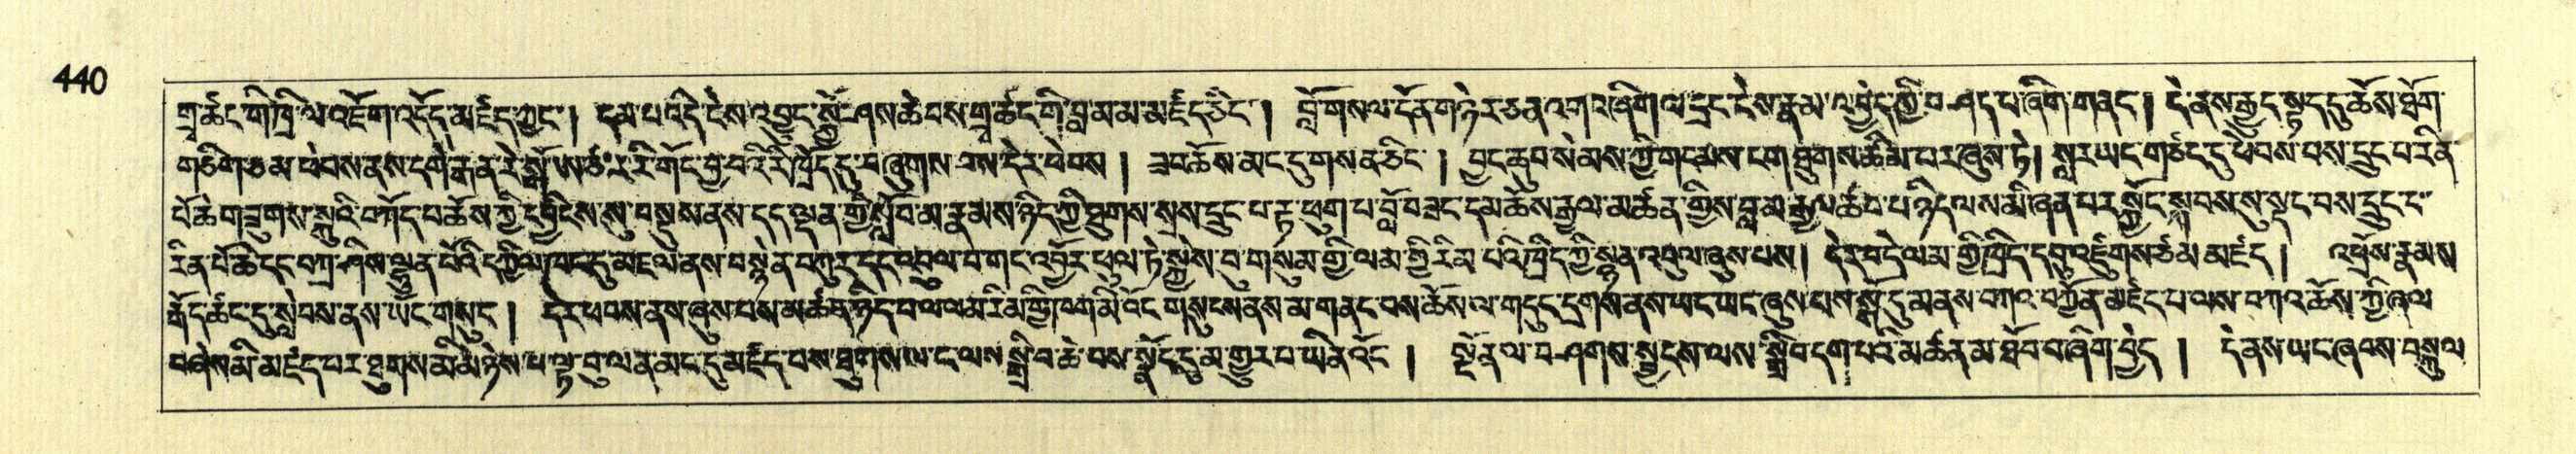གྲྭ་ཚང་གི་ཁྲི་ལ་འཇོག་འདོད་མཛད་ཀྱང་། དམ་པ་འདི་ངེས་འབྱུང་སྐྱོ་ཤས་ཆེ་བས་གྲྭ་ཚང་གི་བླ་མ་ལ་མཛད་ཅིང་། བློ་གསལ་དོན་གཉེར་ཅན་འགའ་ཞིག་ལ་དྲང་ངེས་རྣམ་འབྱེད་ཀྱི་བཤད་པ་ཞིག་གནང་། དེ་ནས་རྒྱུད་སྟང་དུ་ཆོས་ཐོག་
གཅིག་ཙམ་ཕེབས་ནས་དགེ་རྒན་རེ་སྒོ་ཨ་ཙ་ར་རི་གོང་བྱ་བའི་རི་ཁྲོད་དུ་བཞུགས་བས་དེར་ཕེབས། ཟབ་ཆོས་མང་དུ་གསན་ཅིང་། བྱང་ཆུབ་སེམས་ཀྱི་གདམས་ངག་ཐུགས་ཚིམ་བར་ཞུས་ཏེ། སླར་ཡང་གཙང་དུ་ཕེབས་བས་དྲུང་པ་རིན་
པོ་ཆེ་གཟུགས་སྐུའི་བཀོད་པ་ཆོས་ཀྱི་དབྱིངས་སུ་བསྡུས་ནས་དད་ལྡན་གྱི་སློབ་མ་རྣམས་ཉིད་ཀྱི་ཐུགས་སྲས་དྲུང་པ་རྟ་ཕུག་པ་བློ་བཟང་དམ་ཆོས་རྒྱལ་མཚན་གྱིས་བླ་མ་རྒྱལ་ཚབ་པ་ཉིད་ལས་མི་ཞན་པར་སྐྱོང་སྐབས་སུ་སྡང་བས་དྲུང་པ་
རིན་པོ་ཆེ་དང་བཀྲ་ཤིས་ལྷུན་པོའི་དཀྱིལ་ཁང་དུ་མཇལ་ནས་བསྙེན་བཀུར་དང་འབུལ་བ་གང་འབྱོར་ཕུལ་ཏེ་སྐྱེས་བུ་གསུམ་གྱི་ལམ་གྱི་རིམ་པའི་ཁྲིད་ཀྱི་སྙན་འབུལ་ཞུས་པས། དེར་བདེ་ལམ་གྱི་ཁྲིད་དབུ་འཛུགས་ཙམ་མཛད། འཕྲོས་རྣམས་
རྒོད་ཚང་དུ་སླེབས་ནས་ཡོང་གསུང་། དེར་ཕབས་ནས་ཞུས་པས་མཚན་ཉིད་བ་ལ་ལམ་རིམ་གྱི་ཁག་མི་འོང་གསུངས་ནས་མ་གནང་བས་ཆོས་ལ་གདུང་དྲག་ནས་ཡང་ཡང་ཞུས་པས་སྒོ་དུ་མ་ནས་བཀའ་བཀྱོན་མཛད་པ་ལས་བཀའ་ཆོས་ཀྱི་ཞལ་
བཞེས་མི་མཛད་པར་ཐུགས་མི་མཉེས་པ་ལྟ་བུ་ལན་མང་དུ་མཛད་པས་ཐུགས་ལ་ང་ལས་སྒྲིབ་ཆེ་བས་སྣོད་དུ་མ་གྱུར་པ་ཡིན་འོང་། སྔོན་ལ་བཤགས་སྦྱངས་ལས་སྒྲིབ་དག་པའི་མཚན་མ་ཐོབ་བ་ཞིག་བྱེད། དེ་ནས་ཡང་ཞབས་བསྐུལ་